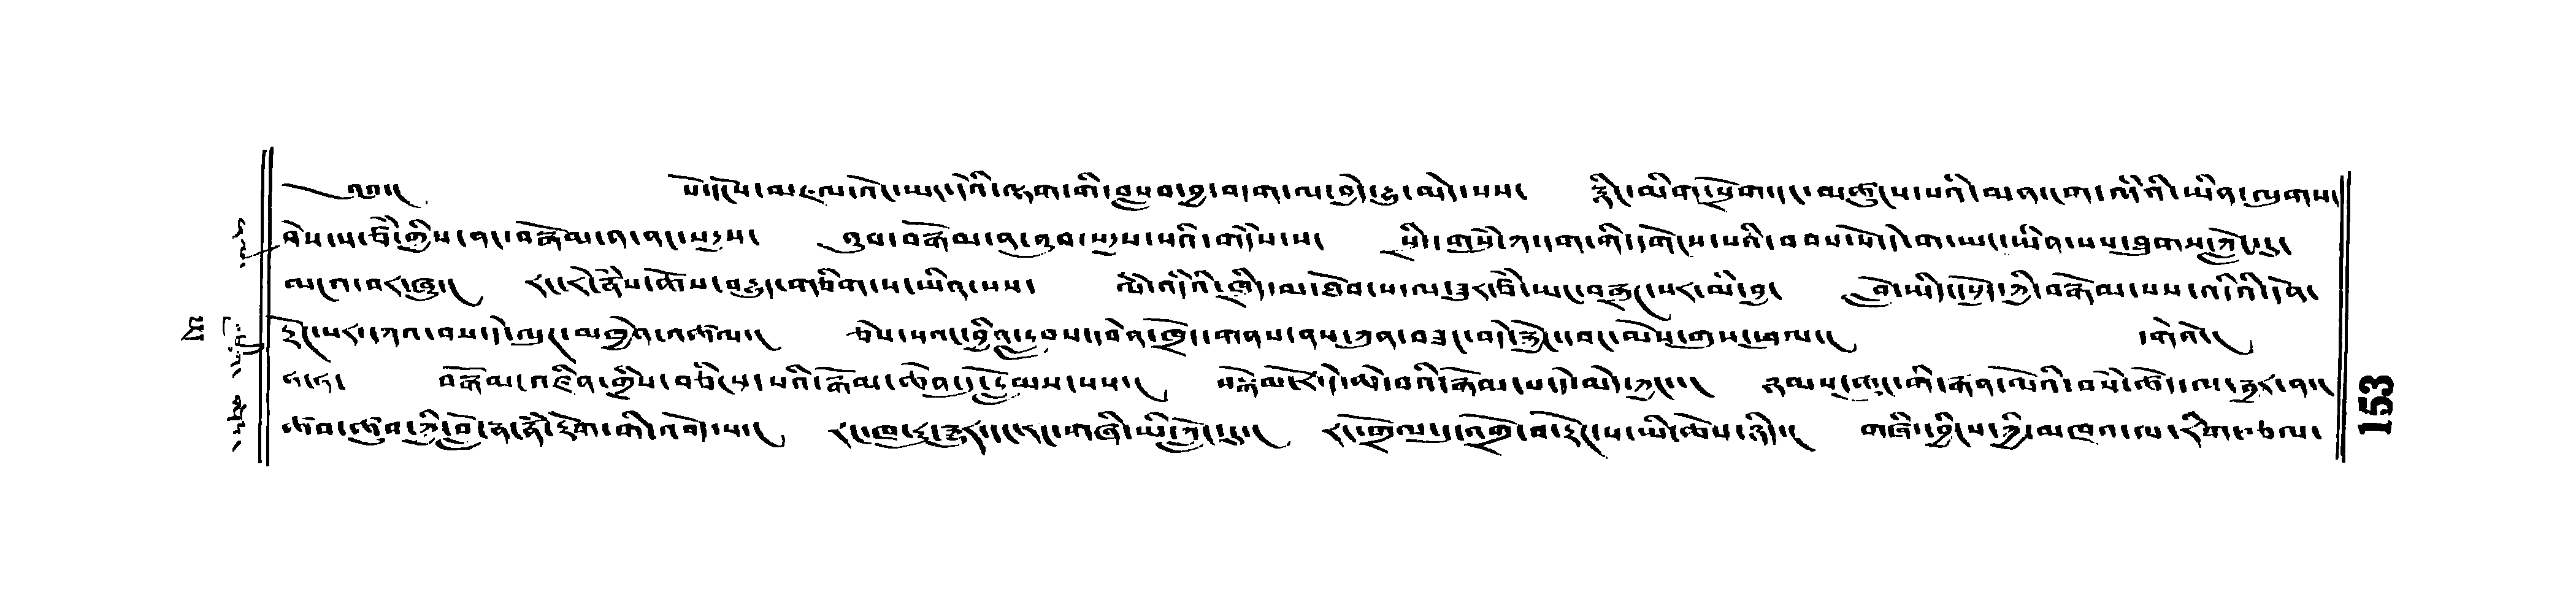པོ་དངོས་མཇལ་འོང་ཡང་དེ་ལས་ལྷག་པའི་བསླབ་བྱ་བདག་ལ་བྱེད་རྒྱུ་མེད་པས། སྙིང་མིག་སྲོག་དང་མཚུངས་པའི་མན་ངག་འདིའི་ཡིན་ལུགས་
ཤེས་པ་ཙམ་གྱིས་ནང་བསྒོམ་ན་ནང་སངས་རྒྱས། ནུབ་བསྒོམ་ན་ནུབ་སངས་རྒྱས་པའི་གདམས་པ། སྲིད་གསུམ་ཀ་དག་གི་དགོངས་པའི་བབས་སོ་དེ་ག་རང་ཡིན་པས་ཐུགས་ཀློང་དུ་
མངའ་བར་ཞུ། རང་རེ་རྣམས་ཆོས་བརྒྱུད་གཅིག་པ་ཡིན་པས། ལམ་འདིའི་ཁྲིད་མ་ཐོབ་པ་ལ་ཟུར་ཙམ་ཡང་བསྒྲག་པར་མི་བྱ། བློ་ཡིད་དཔྱོད་ཀྱི་བསྒོམ་པས་འདིའི་དོན་
རྟོགས་པར་དཀའ་བས་དེ་ལུགས་མཁྱེན་འཚལ།ཅེས་པའང་བྱིན་རླབས་དབེན་ཁྲོད་གནས་ནས་ཀུན་བཟང་བདེ་སྐྱོང་དབང་མོས་གུས་ཕུལ།། དགེའོ།། 
ཧ་ཧ། བསྒོམ་འཛིན་གྱིས་བཅིངས་པའི་སྒོམ་ཆེན་དུ་རློབས་པས། །བསྒོམ་རོ་དེ་ཆེ་བའི་སྒོམ་པ་དེ་མེད་ཀྱང་། །ཉམས་ཆུང་གི་རྒན་མོའི་བསམ་ཚོད་ལ་སྦྱར་ནས། །
ཚབ་ཚུབ་ཀྱི་བློ་སྣ་རྣམ་རྟོག་གི་འབོད་པ། །རང་ག་རུ་སྐྱུར་དང་རང་གཞི་ཡི་ཀློང་དུ། །རང་གྲོལ་དུ་འགྲོ་བ་རྟོགས་པ་ཡི་ཆོས་ཉིད། །གཞི་དབྱིངས་ཀྱི་མཁའ་ལ་རིག་རྩལ་